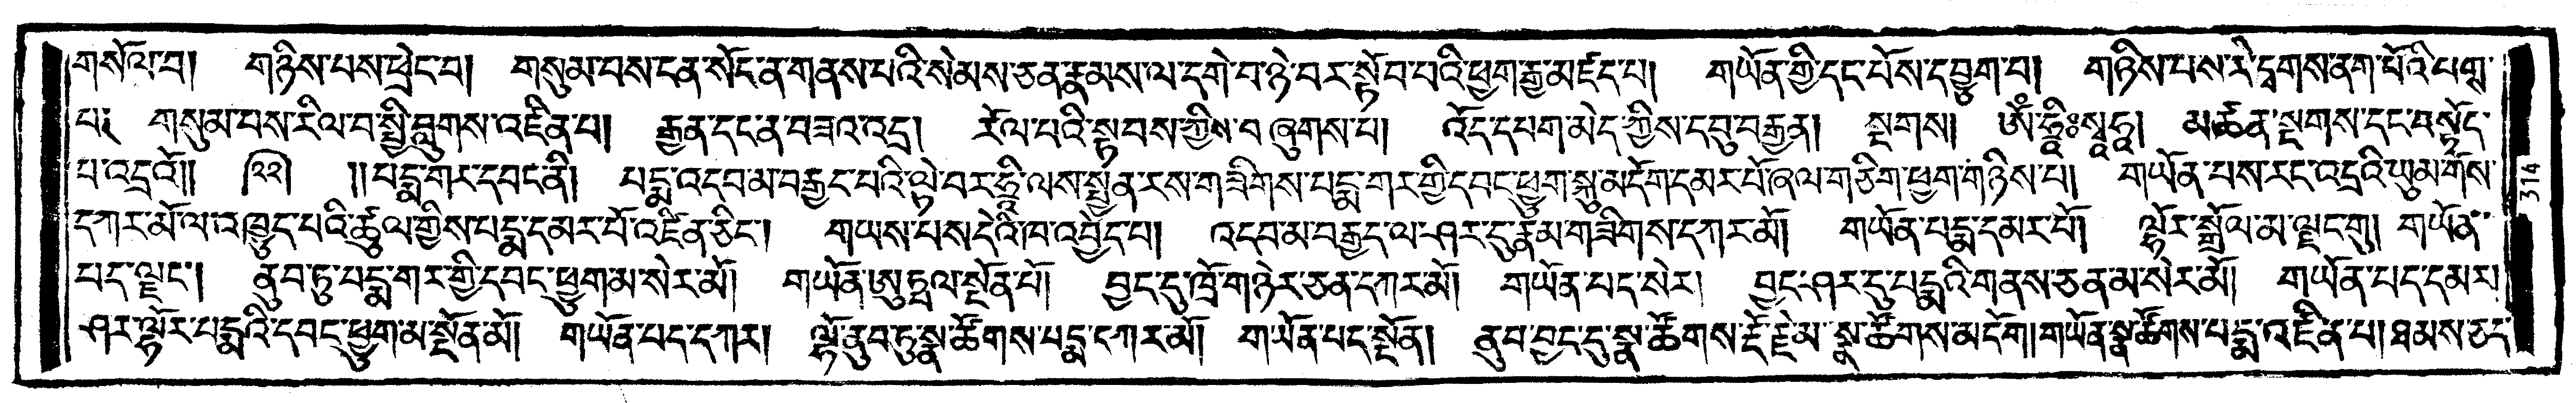གསོལ་བ། གཉིས་པས་ཕྲེང་བ། གསུམ་པས་ངན་སོང་ན་གནས་པའི་སེམས་ཅན་རྣམས་ལ་དགེ་བ་ཉེ་བར་སྟོབ་བའི་ཕྱག་རྒྱ་མཛད་པ། གཡོན་གྱི་དང་པོས་དབྱུག་བ། གཉིས་པས་རི་དྭགས་ནག་པོའི་པགས་
པ༑ གསུམ་པས་རིལ་བ་སྤྱི་བླུགས་འཛིན་པ། རྒྱན་དང་ན་བཟའ་འདྲ། རོལ་པའི་སྟབས་ཀྱིས་བཞུགས་པ། འོད་དཔག་མེད་ཀྱིས་དབུ་བརྒྱན། སྔགས། ཨོཾ་ཧྲཱིཿསྭཱཧཱ། མཚན་སྔགས་དང་བསྟོད་
པ་འདྲའོ།། ༢༢?་།།པདམ་གར་དབང་ནི། པདམ་འདབ་མ་བརྒྱད་བའི་ལྟེ་བར་ཧྲཱི་ལས་སྤྱན་རས་གཟིགས་པདམ་གར་གྱི་དབང་ཕྱུག་སྐུ་མདོག་དམར་པོ་ཞལ་གཅིག་ཕྱག་གཉིས་པ། གཡོན་པས་རང་འདྲའི་ཡུམ་གོས་
དཀར་མོ་ལ་འཁྱུད་པའི་ཚུལ་གྱིས་པདམ་དམར་པོ་འཛིན་ཅིང་། གཡས་པས་དེའི་ཁ་འབྱེད་པ། འདབ་མ་བརྒྱད་ལ་ཤར་དུ་རྣམ་གཟིགས་དཀར་མོ། གཡོན་པདམ་དམར་པོ། ལྷོར་སྒྲོལ་མ་ལྗང་གུ། གཡོན་
པད་ལྗང་། ནུབ་ཏུ་པདམ་གར་གྱི་དབང་ཕྱུག་མ་སེར་མོ། གཡོན་ཨུཏྤལ་སྔོན་པོ། བྱང་དུ་ཁྲོ་གཉེར་ཅན་དཀར་མོ། གཡོན་པད་སེར། བྱང་ཤར་དུ་པདམའི་གནས་ཅན་མ་སེར་མོ། གཡོན་པད་དམར།
ཤར་ལྷོར་པདམའི་དབང་ཕྱུག་མ་སྔོན་མོ། གཡོན་པད་དཀར། ལྷོ་ནུབ་ཏུ་སྣ་ཚོགས་པདམ་དཀར་མོ། གཡོན་པད་སྔོན། ནུབ་བྱང་དུ་སྣ་ཚོགས་རྡོ་རྗེ་མ་སྣ་ཚོགས་མདོག། གཡོན་སྣ་ཚོགས་པདམ་འཛིན་པ། ཐམས་ཅད་